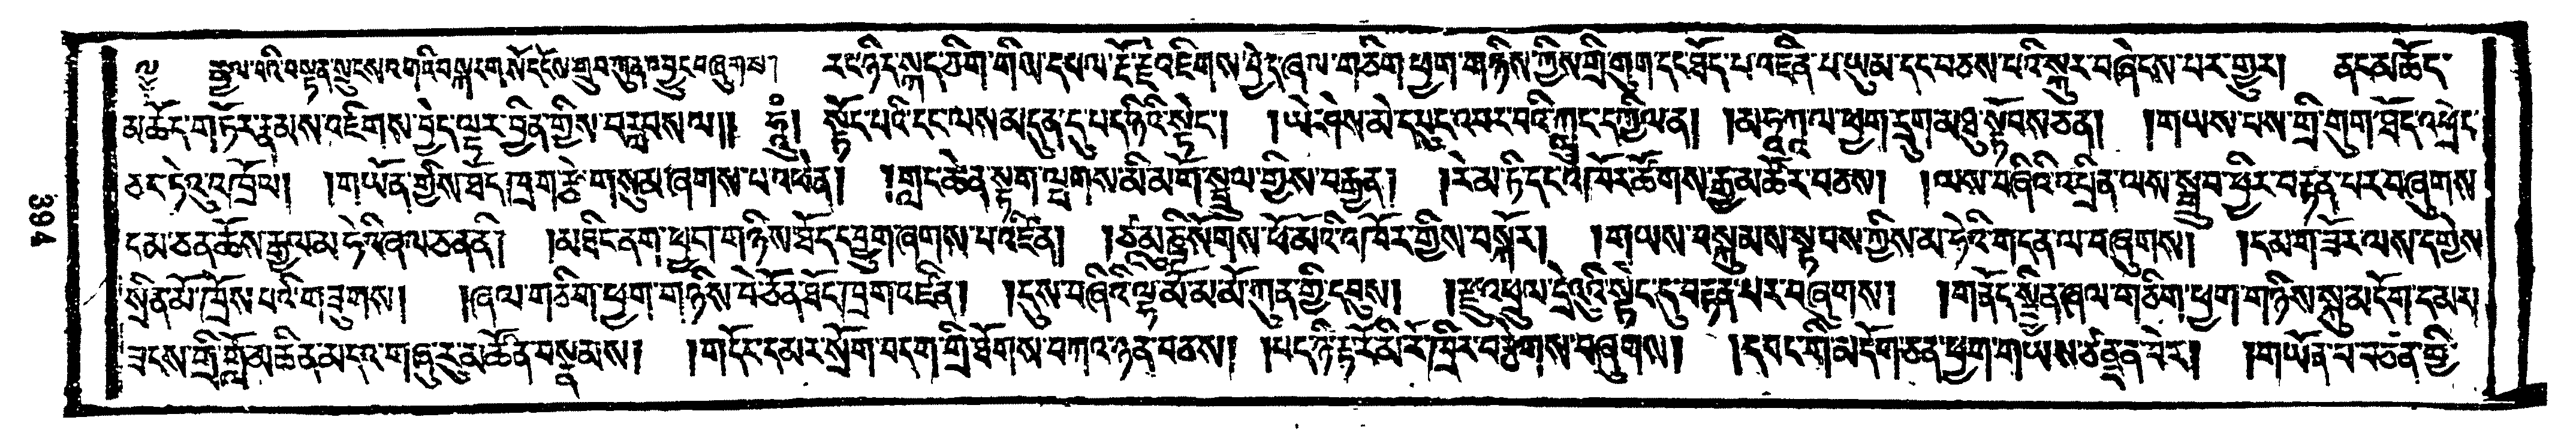༈ རྒྱལ་བའི་བསྟན་སྲུངས་འགའི་བསྐར་གསོ་དངོས་གྲུབ་ཀུན་འབྱུང་བཞུགས། རང་ཉིད་སྐད་ཅིག་གིས་དཔལ་རྡོ་རྗེ་འཇིགས་བྱེད་ཞལ་གཅིག་ཕྱག་གཉིས་ཀྱིས་གྲི་གུག་དང་ཐོད་པ་འཛིན་པ་ཡུམ་དང་བཅས་པའི་སྐུར་བཞེངས་པར་གྱུར། ནང་མཆོད་
མཆོད་གཏོར་རྣམས་འཇིགས་བྱེད་ལྟར་བྱིན་གྱིས་བརླབས་ལ།། ཧཱུཾ། སྟོང་པའི་ངང་ལས་མདུན་དུ་པད་ཉིའི་སྟེང་། །ཡེ་ཤེས་མེ་དཔུང་འབར་བའི་ཀླུང་དཀྱིལ་ན། །མྷཱ་ཀཱ་ལ་ཕྱག་དྲུག་མཐུ་སྟོབས་ཅན། །གཡས་པས་གྲི་གུག་ཐོད་འཕྲེང་
ཅང་ཏེའུ་འཁྲོལ། །གཡོན་གྱིས་ཐོད་ཁྲག་རྩེ་གསུམ་ཞགས་པ་འཕེན། །གླང་ཆེན་སྟག་ལྤགས་མི་མགོ་སྤྲུལ་གྱིས་བརྒྱན། །རེ་མ་ཏི་དང་འཁོར་ཚོགས་རྒྱ་མཚོར་བཅས། །ལས་བཞིའི་འཕྲིན་ལས་སྒྲུབ་ཕྱིར་བརྟན་པར་བཞུགས་
དམ་ཅན་ཆོས་རྒྱལ་མ་ཧེའི་ཞལ་ཅན་ནི། །མཐིང་ནག་ཕྱག་གཉིས་ཐོད་དབྱུག་ཞགས་པ་འཛིན། །ཙཱ་མུཎྜི་སོགས་ཕོ་མོའི་འཁོར་གྱིས་བསྐོར། །གཡས་བསྐུམས་སྟབས་ཀྱིས་མ་ཧེའི་གདན་ལ་བཞུགས། །དམ་ག་ཟོར་ལས་དགྱེས་
སྲིན་མོ་ཁྲོས་པའི་གཟུགས། །ཞལ་གཅིག་ཕྱག་གཉིས་བེ་ཅོན་ཐོང་ཁྲག་འཛིན། །དུས་བཞིའི་ལྷ་མོ་མ་མོ་ཀུན་གྱི་དབུས། །རྫུ་འཕྲུལ་དྲེའུའི་སྟེང་དུ་བརྟན་པར་བཞུགས། །གནོད་སྦྱིན་ཞལ་གཅིག་ཕྱག་གཉིས་སྐུ་མདོག་དམར།
ཟངས་གྲི་གློ་མཆིན་མདའ་གཞུ་རུ་མཚོན་བསྣམས། །གདོང་དམར་སྲོག་བདག་གྲི་ཐོགས་བཀའ་ཉན་བཅས། །པད་ཉི་རྟ་རོ་མི་རོ་ཁྲིར་བརྩེགས་བཞུགས། །དབང་གི་མདོག་ཅན་ཕྱག་གཡས་ཙནྡན་བེ་ར། །གཡོན་པ་བཙན་གྱི་